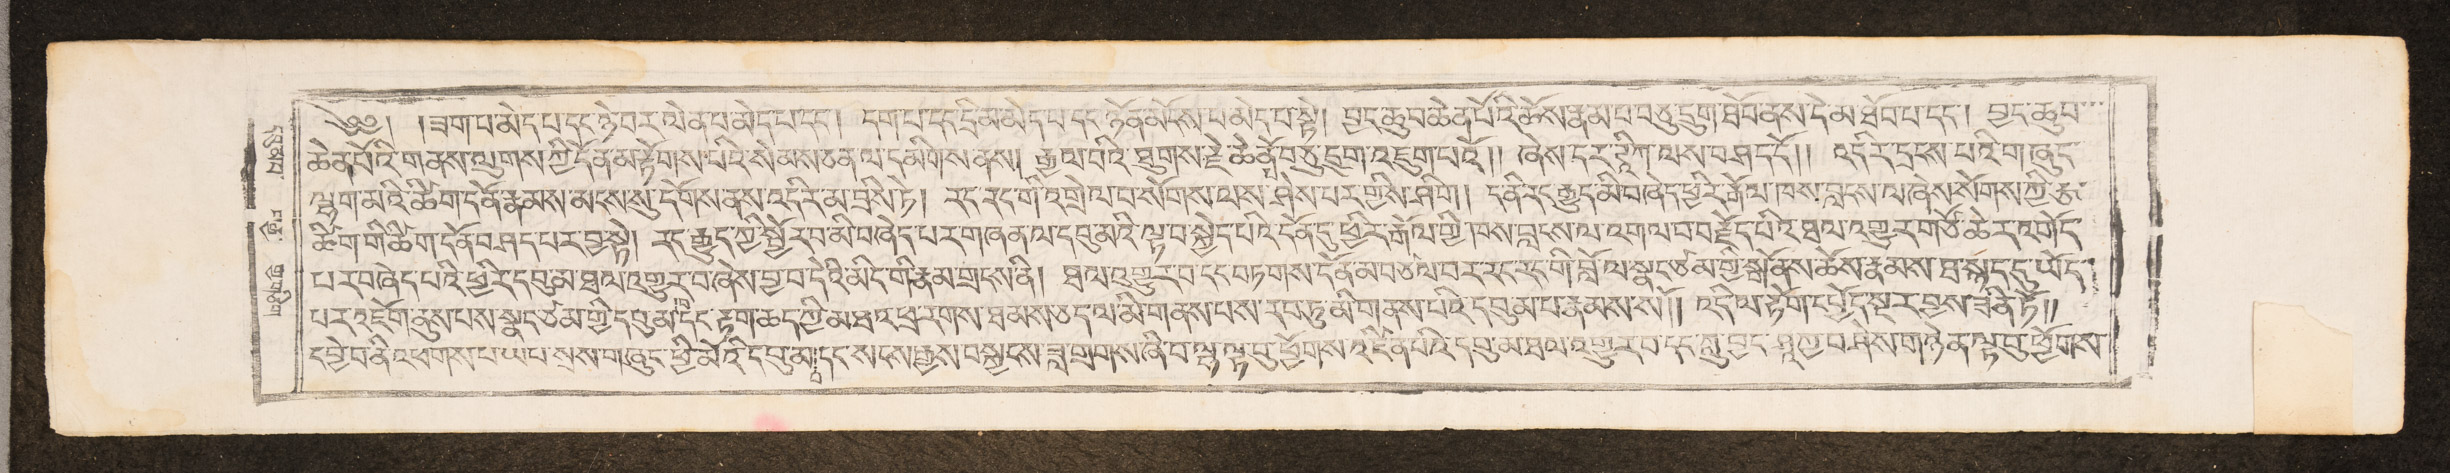༄༅། །ཟག་པ་མེད་པ་དང་ཉེ་བར་ལེན་པ་མེད་པ་དང་། དག་པ་དང་དྲི་མ་མེད་པ་དང་ཉོན་མོངས་པ་མེད་པ་སྟེ། བྱང་ཆུབ་ཆེན་པོའི་ཆོས་རྣམ་པ་བཅུ་དྲུག་ཐོབ་ནས་དེ་མ་ཐོབ་པ་དང་། བྱང་ཆུབ་
ཆེན་པོའི་གནས་ལུགས་ཀྱི་དོན་མ་རྟོགས་པའི་སེམས་ཅན་ལ་དམིགས་ནས། རྒྱལ་བའི་ཐུགས་རྗེ་ཆེན་པོ་བཅུ་དྲུག་འཇུག་པའོ། །ཞེས་དར་ཊཱིཀ་ལས་བཤད་དོ། འདིར་དྲངས་པའི་གཞུང་
ལྷག་མའི་ཚིག་དོན་རྣམས་མངས་སུ་དོགས་ནས་འདིར་མ་བྲིས་ཏེ། རང་རང་གི་འགྲེལ་བ་སོགས་ལས་ཤེས་པར་གྱིས་ཤིག། ད་ནི་རང་རྒྱུད་མི་བཞེད་ཕྱིར་རྒོལ་ཁས་བླངས་ལ་ཞེས་སོགས་ཀྱི་རྩ་
ཚིག་གི་ཚིག་དོན་བཤད་པར་བྱ་སྟེ། རང་རྒྱུད་ཀྱི་སྦྱོར་བ་མི་བཞེད་པར་གཞན་ལ་དབུ་མའི་ལྟ་བ་སྐྱེད་པའི་དོན་དུ་ཕྱིར་རྒོལ་གྱི་ཁས་བླངས་ལ་འགལ་བ་བརྗོད་པའི་ཐལ་འགྱུར་གཙོ་ཆེར་འགོད་
པར་བཞེད་པའི་ཕྱིར་དབུ་མ་ཐལ་འགྱུར་བ་ཞེས་བྱ་བ་དེའི་མིང་གི་རྣམ་གྲངས་ནི། ཐལ་འགྱུར་བ་དང་བཏགས་དོན་མ་བརཏ༦ཟལ་བར་རང་རང་གི་བློ་ལ་སྣང་ཙམ་གྱི་སྒོ་ནས་ཆོས་རྣམས་ཐ་སྙད་དུ་ཡོད་
པར་འཇོག་ནུས་པས་སྣང་ཙམ་གྱི་དབུ་མ་དང་རྟག་ཆད་ཀྱི་མཐའ་ཕྲ་རགས་ཐམས་ཅད་ལ་མི་གནས་པས་རབ་ཏུ་མི་གནས་པའི་དབུ་མ་པ་རྣམས་སོ། །འདི་ལ་རྟོག་དཔྱོད་སྔར་བྱས་ཟིན་ཏོ།།
དབྱེ་བ་ནི་འཕགས་པ་ཡབ་སྲས་གཞུང་ཕྱི་མའི་དབུ་མ་པ་དང་། སངས་རྒྱས་བསྐྱངས་ཟླ་གྲགས་ཞི་བ་ལྷ་ལྟ་བུ་ཕྱོགས་འཛིན་པའི་དབུ་མ་ཐལ་འགྱུར་བ་དང་ཀླུ་བྱང་ཤཱཀྱ་བཤེས་གཉེན་ལྟ་བུ་ཕྱོགས་